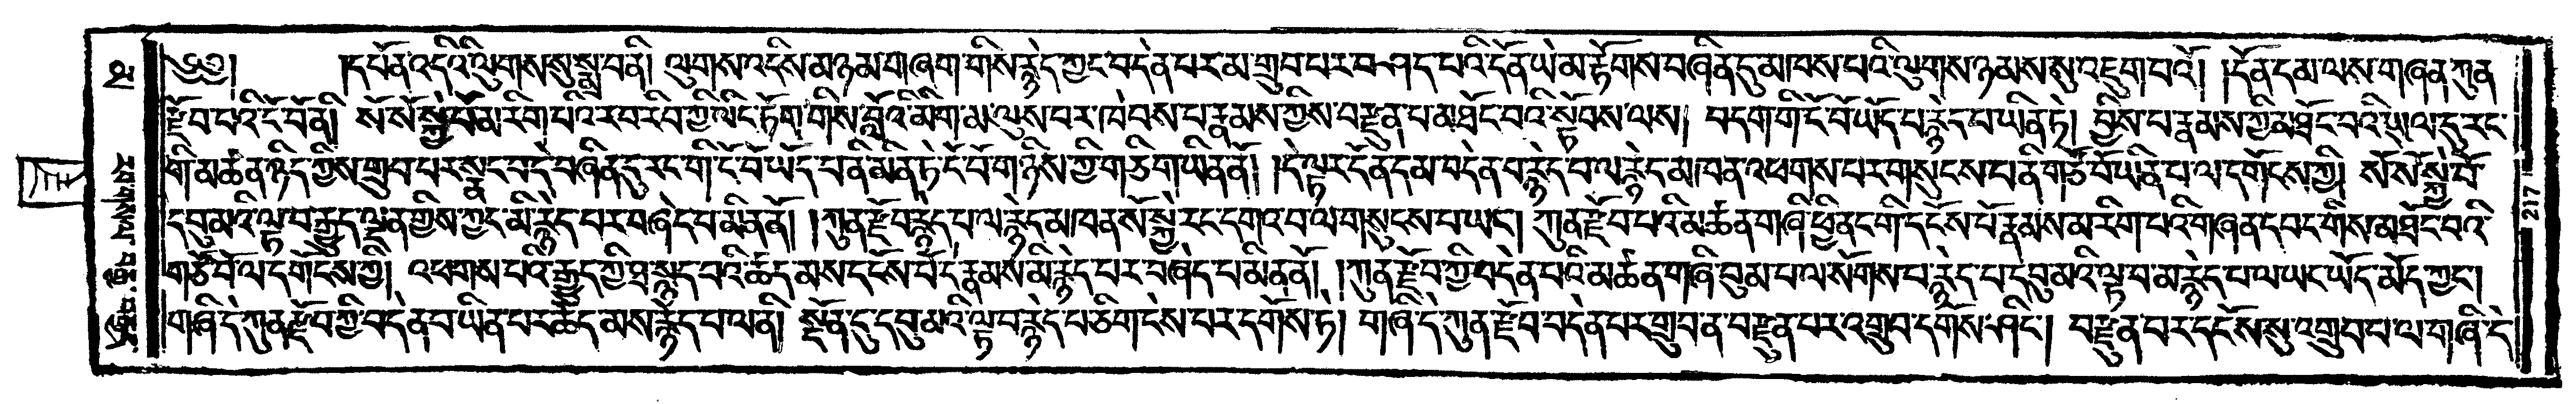༄༅། །དཔོན་འདིའི་ལུགས་སུ་སྨྲ་བ་ནི། ལུགས་འདིས་མཉམ་གཞག་གིས་རྙེད་ཀྱང་བདེན་པར་མ་གྲུབ་པར་བཤད་པའི་དོན་ཡེ་མ་རྟོགས་བཞིན་དུ་མཁས་པའི་ལུགས་ཉམས་སུ་འཇུག་པའོ། །དོན་དམ་ལས་གཞན་ཀུན་
རྫོབ་པའི་ངོ་བོ་ནི། སོ་སོ་སྐྱེ་བོ་མ་རིག་པའི་རབ་རིབ་ཀྱི་ལིང་ཏོག་གིས་བློའི་མིག་མ་ལུས་པར་ཁེབས་པ་རྣམས་ཀྱིས་བརྫུན་པ་མཐོང་བའི་སྟོབས་ལས། བདག་གི་ངོ་བོ་ཡོད་པ་རྙེད་པ་ཡིན་ཏེ། བྱིས་པ་རྣམས་ཀྱི་མཐོང་བའི་ཡུལ་དུ་རང་
གི་མཚན་ཉིད་ཀྱིས་གྲུབ་པར་སྣང་བ་དེ་བཞིན་དུ་རང་གི་ངོ་བོ་ཡོད་པ་ནི་མིན་ཏེ་ངོ་བོ་གཉིས་ཀྱི་གཅིག་ཡིན་ནོ། །དེ་ལྟར་དོན་དམ་བདེན་པ་རྙེད་པ་ལ་རྙེད་མཁན་འཕགས་པར་གསུངས་པ་ནི་གཙོ་བོ་ཡིན་པ་ལ་དགོངས་ཀྱིས། སོ་སོ་སྐྱེ་བོ་
དབུ་མའི་ལྟ་བ་རྒྱུད་ལྡན་གྱིས་ཀྱང་མི་རྙེད་པར་བཞེད་པ་མིན་ནོ། །ཀུན་རྫོབ་རྙེད་པ་ལ་རྙེད་མཁན་སོ་སྐྱེ་རང་དགའ་བ་ལ་གསུངས་པ་ཡང་། ཀུན་རྫོབ་པའི་མཚན་གཞི་ཕྱི་ནང་གི་དངོས་པོ་རྣམས་མ་རིག་པའི་གཞན་དབང་གིས་མཐོང་བའི་
གཙོ་བོ་ལ་དགོངས་ཀྱི། འཕགས་པའི་རྒྱུད་ཀྱི་ཐ་སྙད་པའི་ཚད་མས་དངོས་པོ་དེ་རྣམས་མི་རྙེད་པར་བཞེད་པ་མིན་ནོ། །ཀུན་རྫོབ་ཀྱི་བདེན་པའི་མཚན་གཞི་བུམ་པ་ལ་སོགས་པ་རྙེད་པ་དབུ་མའི་ལྟ་བ་མ་རྙེད་པ་ལ་ཡང་ཡོད་མོད་ཀྱང་།
གཞི་དེ་ཀུན་རྫོབ་ཀྱི་བདེན་པ་ཡིན་པར་ཚད་མས་རྙེད་པ་ལ་ནི། སྔོན་དུ་དབུ་མའི་ལྟ་བ་རྙེད་པ་ཅིག་ངེས་པར་དགོས་ཏེ། གཞི་དེ་ཀུན་རྫོབ་བདེན་པར་གྲུབ་ན་བརྫུན་པར་འགྲུབ་དགོས་ཤིང་། བརྫུན་པར་དངོས་སུ་འགྲུབ་པ་ལ་གཞི་དེ་